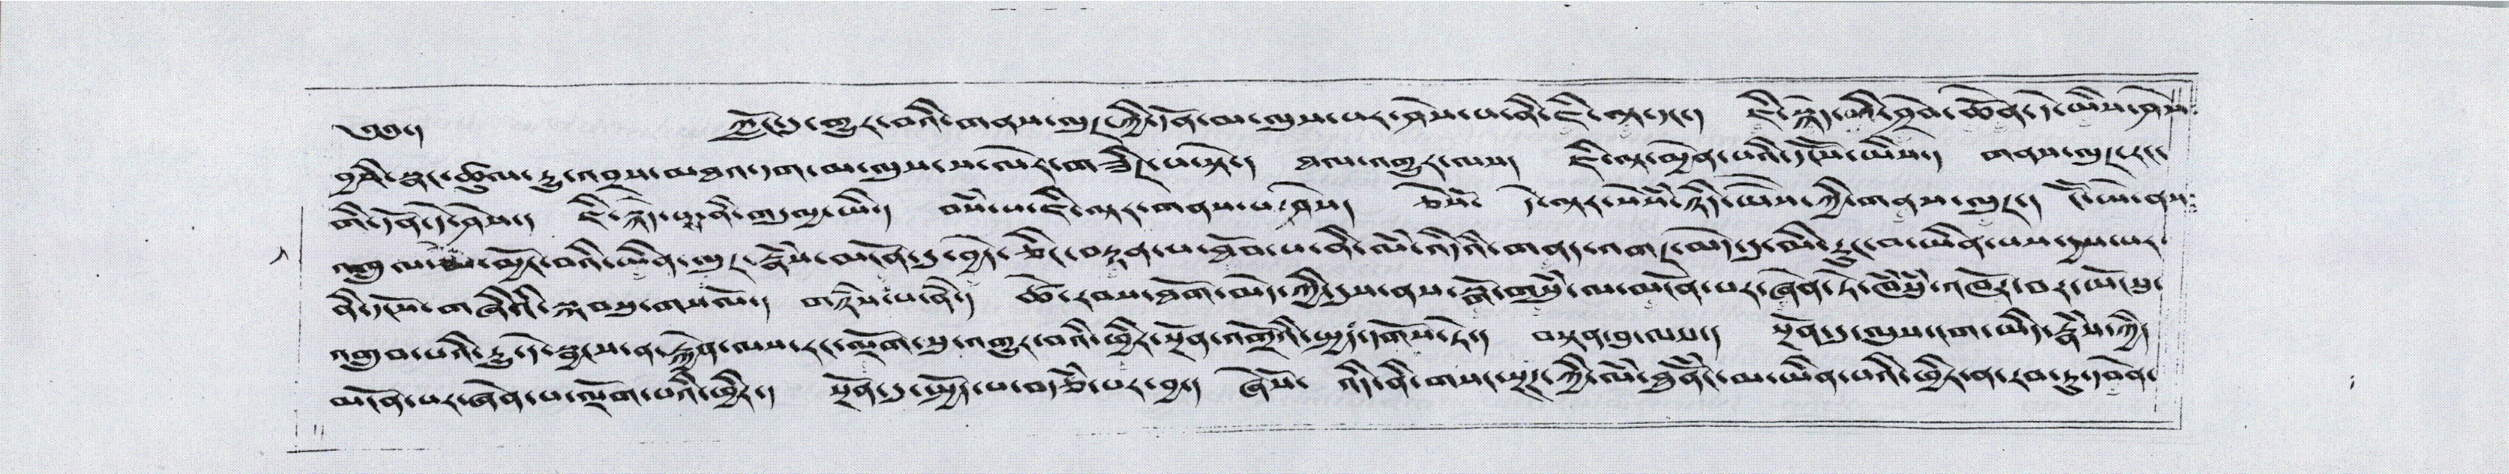ཀློང་དུ་གྱུར་པའི་གནས་ལུགས་ཀྱི་དོན་མ་ལུས་པར་ཤེས་པ་ནི་ཇི་ལྟ་བ་དང་། ཇི་སྙེད་ནི་ཤེས་རབ་ཆེན་པོ་དེ་ཡིས་ཤེས་
བྱའི་སྣང་ཚུལ་རྒྱུ་འབྲས་མཐའ་དག་མ་ལུས་ས་ལེར་གཟིགས་པ་སྟེ། ཐལ་འགྱུར་ལས། ཇི་ལྟ་མཁྱེན་པའི་དངོས་པོ་ཡིས། གནས་ལུགས་རང་
གི་དོན་དེ་ཤེས། ཇི་སྙེད་པས་ནི་གདུལ་བྱ་ཡི། བསམ་པ་ཇི་ལྟར་གནས་པ་ཤེས། ཅེས་སོ། དེ་ལྟར་སེམས་ཉིད་ཡེ་ཤེས་ཀྱི་གནས་ལུགས། ངོ་བོ་ཡེ་ནས་
འཁྲུལ་མ་མྱོང་བའི་ཡིན་ལུགས་རྣམས་མངོན་དུ་བྱེད་ཅིང་བརྟན་པ་ཐོབ་པ་ནི་ལམ་འདིའི་གནད་འགག་མེད་དུ་མི་རུང་བ་ཡིན་པས་རྒྱས་པར་
ནི་དངོས་གཞིའི་སྐབས་སུ་གསལ་ལོ། གཉིས་པ་ནི། ཚེ་རབས་ཐོག་མེད་ཀྱི་དུས་ནས་སྒོ་གསུམ་ལ་མངོན་པར་ཞེན་ཏེ་ཁམས་གསུམ་འཁོར་བ་ཡོངས་སུ་
འགྲུབ་པའི་རྒྱུ་དེ་སྦྱངས་ན་རྐྱེན་ལས་རང་ལྡོག་ཏུ་འགྱུར་བའི་ཕྱིར་སྔོན་འགྲོའི་སྤྱད་དགོས་ཏེ། བསྟན་བུ་ལས། སྔོན་དུ་ལུས་ངག་ཡིད་རྣམས་ཀྱི། 
མངོན་པར་ཞེན་པ་ལྡོག་པའི་ཕྱིར། སྔོན་དུ་སྤྱོད་པ་བརྩམ་པར་བྱ། ཞེས་སོ། འདི་ནི་གསང་སྔགས་ཀྱི་ལམ་ཐུན་མོང་མ་ཡིན་པའི་ཕྱིར་ན་རབ་ཏུ་དབེན་